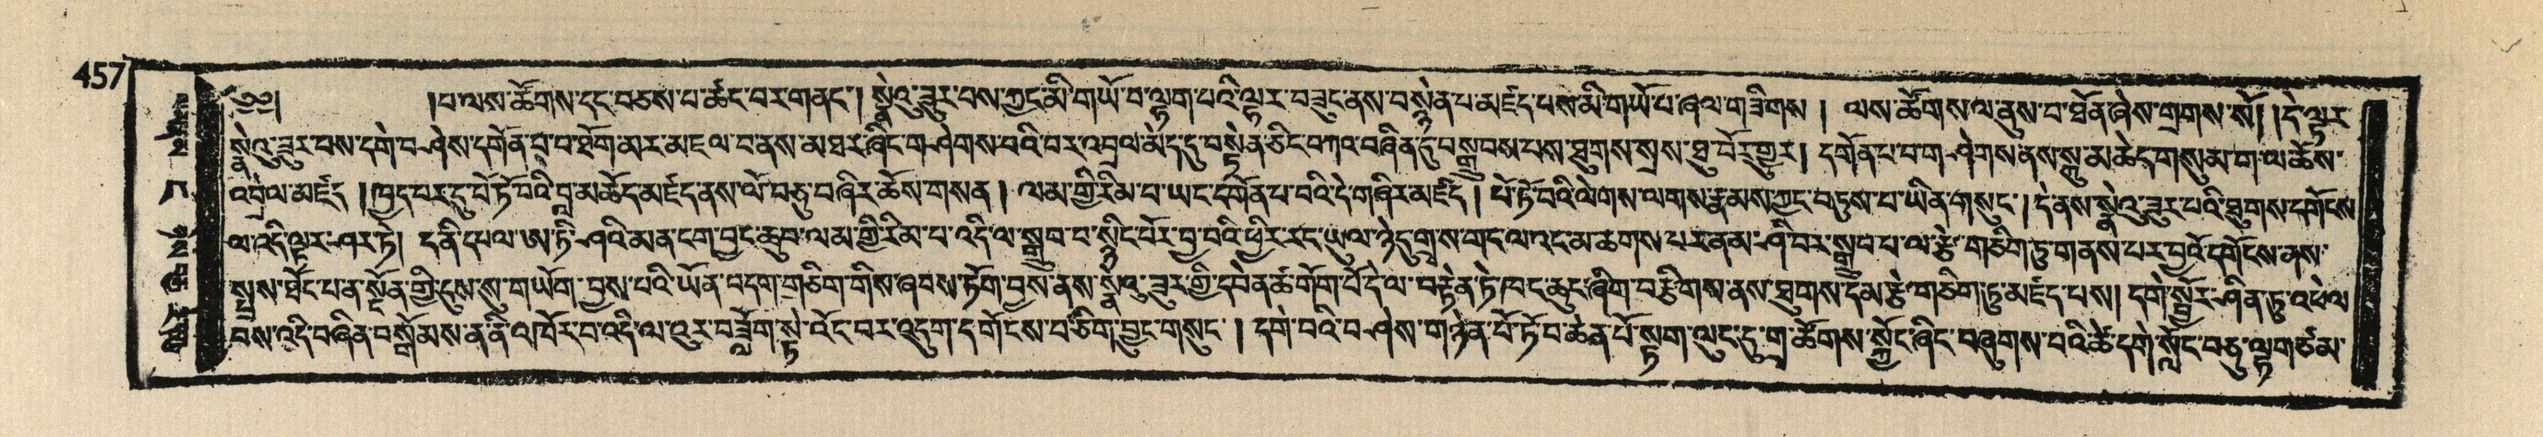༄༅། །པ་ལས་ཚོགས་དང་བཅས་པ་ཚང་བར་གནང་། སྣེའུ་ཟུར་བས་ཀྱང་མི་གཡོ་བ་ལྷག་པའི་ལྷར་བཟུང་ནས་བསྙེན་པ་མཛད་པས་མི་གཡོ་པ་ཞལ་གཟིགས། ལས་ཚོགས་ལ་ནུས་བ་ཐོན་ཞེས་གྲགས་སོ། །དེ་ལྟར་
སྣེའུ་ཟུར་པས་དགེ་བཤེས་དགོན་པ་བ་ཐོག་མར་མཇལ་བ་ནས་མཐར་ཞིང་གཤེགས་བའི་བར་འབྲལ་མེད་དུ་བསྟེན་ཅིང་བཀའ་བཞིན་དུ་བསྒྲུབས་པས་ཐུགས་སྲས་ཐུ་བོར་གྱུར། དགོན་པ་བ་གཤེགས་ནས་སྐུ་མཆེད་གསུམ་ག་ལ་ཆོས་
འབྲེལ་མཛད་།ཁྱད་པར་དུ་པོ་ཏོ་བའི་བླ་མཆོད་མཛད་ནས་ལོ་བཅུ་བཞིར་ཆོས་གསན། ལམ་གྱི་རིམ་པ་ཡང་དགོན་པ་བའི་དེ་གཞིར་མཛད། པོ་ཏོ་བའི་ལེགས་ལགས་རྣམས་ཀྱང་བཏུས་པ་ཡིན་གསུང་། དེ་ནས་སྣེའུ་ཟུར་པའི་ཐུགས་དགོངས་
ལ་འདི་ལྟར་ཤར་ཏེ། ད་ནི་དཔལ་ཨ་ཏི་ཤའི་མན་ངག་བྱང་ཆུབ་ལམ་གྱི་རིམ་པ་འདི་ལ་སྒྲུབ་པ་སྙིང་པོར་བྱ་བའི་ཕྱིར་རང་ཡུལ་ཉེ་དུ་གྲྭ་ས་གང་ལའང་མ་ཆགས་པར་ནམ་ཤི་བར་སྒྲུབ་པ་ལ་རྩེ་གཅིག་ཏུ་གནས་པར་བྱའོ་དགོངས་ནས་
སྤྲས་ཐོང་པ་ན་སྔོན་གྱི་དུས་སུ་གཡོག་བྱས་པའི་ཡོན་བདག་གཅིག་གིས་ཞབས་ཏོག་བྱས་ནས་སྣེའུ་ཟུར་གྱི་དབེན་ཚ་གོག་པོ་དེ་ལ་བརྟེན་ཏེ་ཁང་ཆུང་ཞིག་བརྩིགས་ནས་ཐུགས་དམ་རྩེ་གཅིག་ཏུ་མཛད་པས། དགེ་སྦྱོར་ཤིན་ཏུ་འཕེལ་
བས་འདི་བཞིན་བསྒོམས་ན་ནི་འཁོར་བ་འདི་ལ་འུར་བཟློག་སྟེ་འོང་བར་འདུག་དགོངས་པ་ཅིག་བྱུང་གསུང་།དགེ་བའི་བཤེས་གཉེན་པོ་ཏོ་བ་ཆེན་པོ་སྟག་ལུང་དུ་གྲྭ་ཚོགས་སྐྱོང་ཞིང་བཞུགས་བའི་ཚེ་དགེ་སློང་བཅུ་ལྷག་ཙམ་